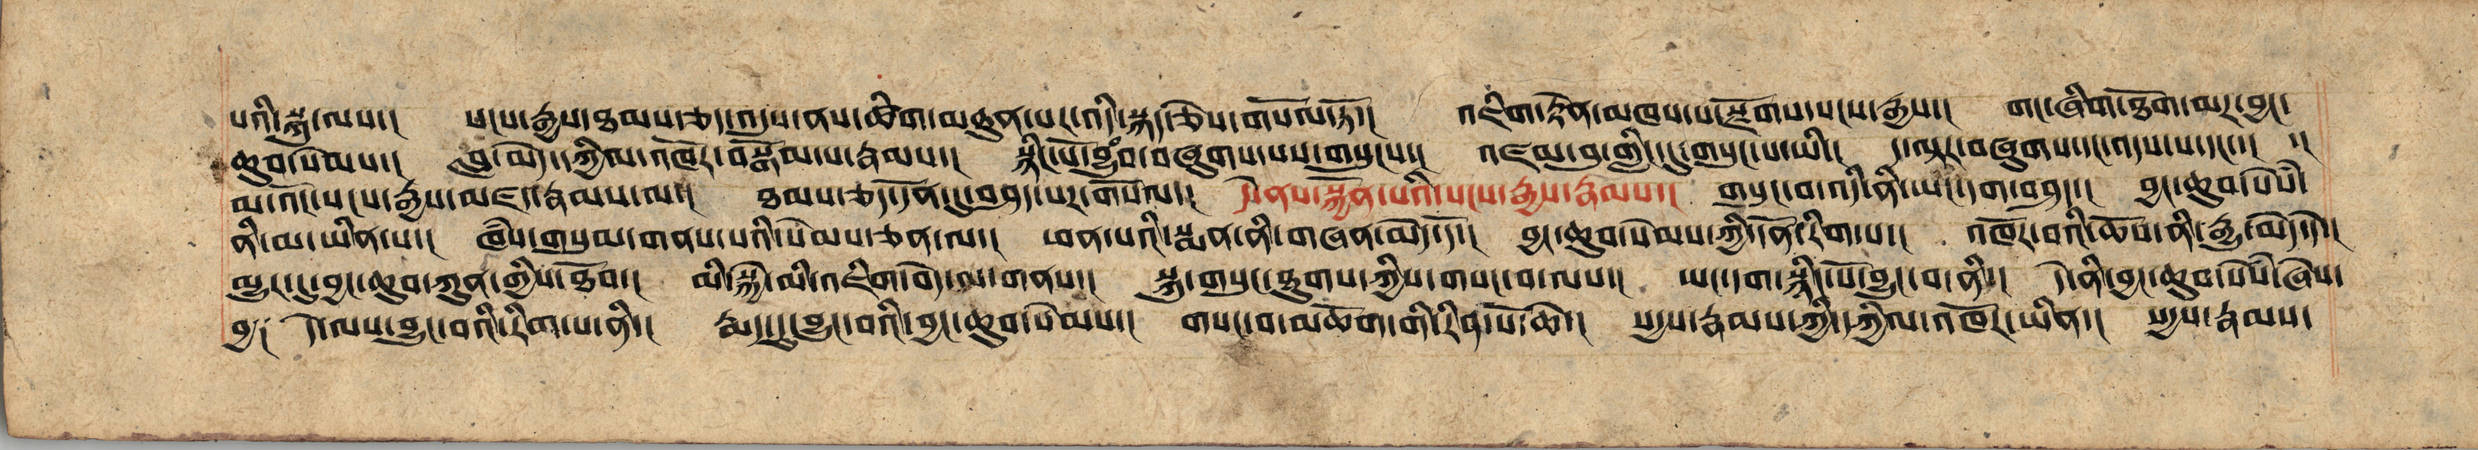པའི་སྐུ་ལས་། སངས་རྒྱས་ཐམས་ཅད་འདུས་ནས་ཚིག་མཐུན་པར་འདི་སྐད་ཅེས་གསོལ་ཏོ་། འཇིག་རྟེན་མཁས་པ་སྫོགས་་སངས་རྒྱས་། གང་ཞིག་ཐོག་མར་བྱང་
ཆུབ་སེམས་། བླ་མེད་དཀྱིལ་འཁོར་བསྒོམ་པ་རྣམས་། སྙིང་པོ་བྱུཾབ་བཞུགས་པས་གསུངས་། འཛམ་བུ་གླིང་དུ་གསུང་པ་ཡི་། ད་ལྟར་བཞུགས་དང་འདས་པ་དང་་།
མ་འོང་སངས་རྒྱས་མཛད་རྣམས་ལ་། ཐམས་ཅད་དོན་དུ་བཤད་པར་གསོལ་། དེ་ནས་སྐྱོན་པའི་སངས་རྒྱས་རྣམས་། གསུང་བ་འདི་ནི་ཡང་དག་བཤད་། བྱང་ཆུབ་སེསཾ་
ནི་མ་ཡིན་པ་། ཁཾས་གསུམ་གནས་པའི་སེམས་ཅན་ལ་། ཕན་པའི་སྨན་ནི་གཞན་མེད་དོ་། བྱང་ཆུབ་སེམས་ཀྱི་དོན་རིག་པ་། འཁོར་བའི་ཆོས་ནི་རྒྱུ་མེད་དེ་།
མྱུར་དུ་བྱང་ཆུབ་ཀུན་གྱིས་ཐོབ་། མི་སྐྱེ་མི་འཇིག་བདེ་ལ་གནས་། སྐུ་གསུང་ཐུགས་ཀྱིས་གསང་བ་ལས་། ཡང་དག་སྙིང་པོ་བྱུང་བ་ནི་། དེ་ནི་བྱང་ཆུབ་སེཾས་ཞེས་
བྱ༑ དེ་ལས་བྱུང་བའི་རིག་པ་ནི་། རྨད་དུ་བྱུང་བའི་བྱང་ཆུབ་སེམས་། གསང་བ་མཆོག་གི་རིན་པོ་ཆེ་། སདྱས་རྣམས་ཀྱི་དཀྱིལ་འཁོར་ཡིན་། སདྱས་རྣམས་